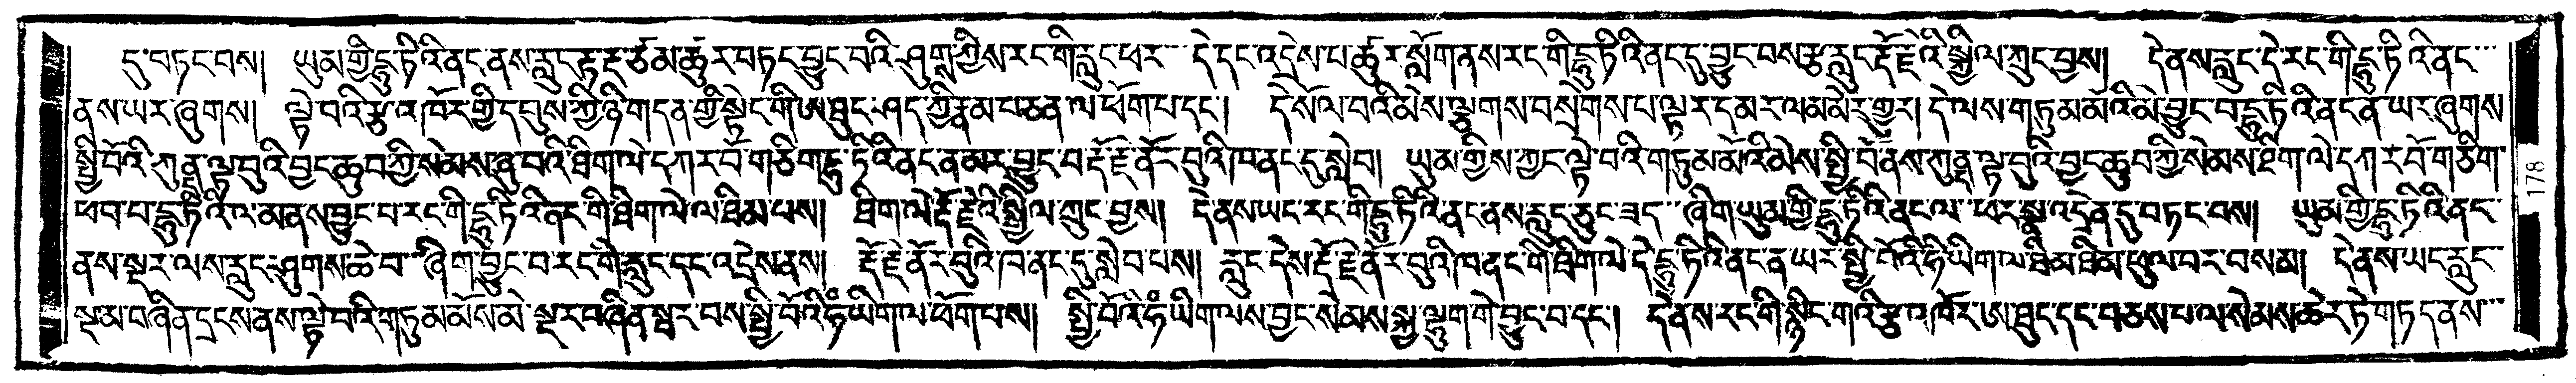དུ་བཏང་བས། ཡུམ་གྱི་དྷུ་ཏིའི་ནང་ནས་རླུང་རྟ་རྔ་ཙམ་ཚུར་བཏང་བྱུང་བའི་ཤུགས་ཀྱིས་རང་གི་རླུང་ཕར་དེ་དང་འདྲེས་པ་ཚུར་སློག་ནས་རང་གི་དྷུ་ཏིའི་ནང་དུ་བྱུང་བས་རྩ་རླུང་རྡོ་རྗེའི་སྐྱིལ་ཀྲུང་བྱས། དེ་ནས་རླུང་དེ་རང་གི་དྷུ་ཏིའི་ནང་
ནས་ཡར་ཞུགས། ལྟེ་བའི་རྩ་འཁོར་གྱི་དབུས་ཀྱི་ཉི་གདན་གྱི་སྟེང་གི་ཨ་ཐུང་ཤད་ཀྱི་རྣམ་པ་ཅན་ལ་ཕོག་པ་དང་། དེ་སོལ་བའི་མེས་ལྕགས་བསྲེགས་པ་ལྟར་དམར་ལམ་མེར་གྱུར། དེ་ལས་གཏུམ་མོའི་མེ་བྱུང་བ་དྷུ་ཏིའི་ནང་ན་ཡར་ཞུགས་
སྤྱི་བོའི་ཀུནྡ་ལྟ་བུའི་བྱང་ཆུབ་ཀྱི་སེམས་ཞུ་བའི་ཐིག་ལེ་དཀར་པོ་གཅིག་དྷུ་ཏིའི་ནང་ན་མར་བྱུང་བ་རྡོ་རྗེ་ནོར་བུའི་ཁ་ནང་དུ་སླེབ། ཡུམ་གྱིས་ཀྱང་ལྟེ་བའི་གཏུམ་མོའི་མེས་སྤྱི་བོ་ནས་ཀུནྡ་ལྟ་བུའི་བྱང་ཆུབ་ཀྱི་སེམས་ཐིག་ལེ་དཀར་པོ་གཅིག་
ཕབ་པ་དྷུ་ཏིའི་ལམ་ནས་བྱུང་པ་རང་གི་དྷུ་ཏིའི་ནང་གི་ཐིག་ལེ་ལ་ཐིམ་པས། ཐིག་ལེ་རྡོ་རྗེའི་སྐྱིལ་ཀྲུང་བྱས། དེ་ནས་ཡང་རང་གི་དྷུ་ཏིའི་ནང་ནས་རླུང་ཅུང་ཟད་ཞིག་ཡུམ་གྱི་དྷུ་ཏིའི་ནང་ལ་ཕར་སྣ་འདྲེན་དུ་བཏང་བས། ཡུམ་གྱི་དྷུ་ཏིའི་ནང་
ནས་སྔར་ལས་རླུང་ཤུགས་ཆེ་བ་ཞིག་བྱུང་བ་རང་གི་རླུང་དང་འདྲེས་ནས། རྡོ་རྗེ་ནོར་བུའི་ཁ་ནང་དུ་སླེབ་པས། རླུང་དེས་རྡོ་རྗེ་ནོར་བུའི་ཁ་ནང་གི་ཐིག་ལེ་དེ་དྷུ་ཏིའི་ནང་ན་ཡར་སྤྱི་བོའི་ཧི་ཡིག་ལ་ཐིམ་ཐིམ་ཕུལ་བར་བསམ། དེ་ནས་ཡང་རླུང་
སྔ་མ་བཞིན་དྲངས་ནས་ལྟེ་བའི་གཏུམ་མོས་མེ་སྔར་བཞིན་སྤར་བས་སྤྱི་བོའི་ཧཾ་ཡིག་ལ་ཕོག་པས། སྤྱི་བོའི་ཧཾ་ཡིག་ལས་བྱང་སེམས་སྐྱ་ལྷུག་གེ་བྱུང་བ་དང་། དེ་ནས་རང་གི་སྙིང་གའི་རྩ་འཁོར་ཨ་ཐུང་དང་བཅས་པ་ལ་སེམས་ཆེར་ཏེ་གཏད་ནས་